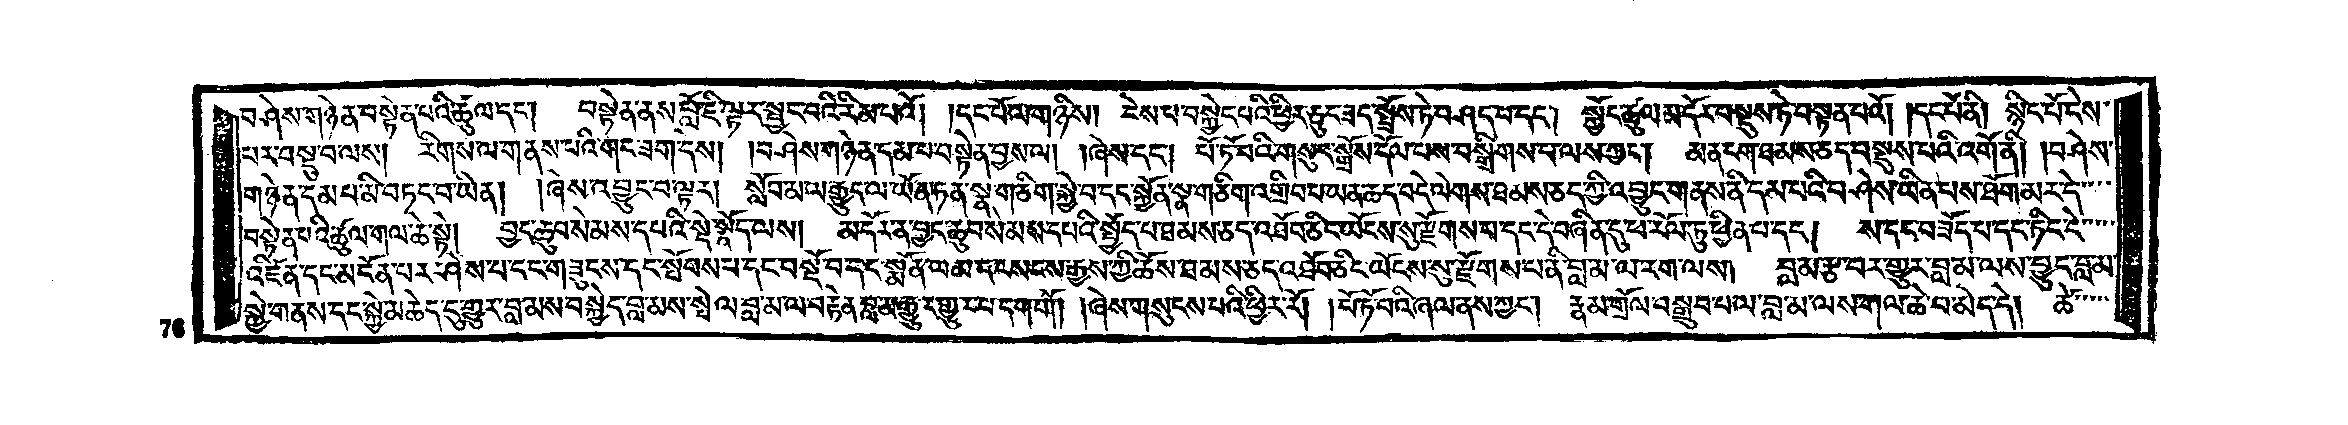བཤེས་གཉེན་བསྟེན་པའི་ཚུལ་དང་། བསྟེན་ནས་བློ་ཇི་ལྟར་སྦྱང་བའི་རིམ་པའོ། །དང་པོ་ལ་གཉིས། ངེས་པ་བསྐྱེད་པའི་ཕྱིར་ཅུང་ཟད་སྤྲོས་ཏེ་བཤད་པ་དང་། སྐྱོང་ཆུལ་མདོར་བསྡུས་ཏེ་བསྟན་པའོ། །དང་པོ་ནི། སྙིང་པོ་ངེས་
པར་བསྡུ་བ་ལས། རིགས་ལ་གནས་པའི་གང་ཟག་དེས། །བཤེས་གཉེན་དམ་པ་བསྟེན་བྱས་ལ། །ཞེས་དང་། པོ་ཏོ་བའི་གསུང་སྒྲོས་དོལ་པས་བསྒྲིགས་པ་ལས་ཀྱང་། མན་ངག་ཐམས་ཅད་བསྡུས་པའི་འགོ་ནི། །བཤེས་
གཉེན་དམ་པ་མི་བཏང་བ་ཡིན། །ཞེས་འབྱུང་བ་ལྟར། སློབ་མ་ལ་རྒྱུད་ལ་ཡོན་ཏན་སྣ་གཅིག་སྐྱེ་བ་དང་སྐྱོན་སྣ་གཅིག་འགྲིབ་པ་ཡན་ཆད་བདེ་ལེགས་ཐམས་ཅད་ཀྱི་འབྱུང་གནས་ནི་དམ་པའི་བཤེས་ཡིན་པས་ཐོག་མར་དེ་
བསྟེན་པའི་ཚུལ་གལ་ཆེ་སྟེ། བྱང་ཆུབ་སེམས་དཔའི་སྡེ་སྣོད་ལས། མདོར་ན་བྱང་ཆུབ་སེམས་དཔའི་སྤྱོད་པ་ཐམས་ཅད་འཐོབ་ཅིང་ཡོངས་སུ་རྫོགས་པ་དང་དེ་བཞིན་དུ་ཕ་རོལ་ཏུ་ཕྱིན་པ་དང་། ས་དང་བཟོད་པ་དང་ཏིང་ངེ་
འཛིན་དང་མངོན་པར་ཤེས་པ་དང་གཟུངས་དང་སྤོབས་པ་དང་བསྔོ་བ་དང་སྨོན་ལམ་དང་སངས་རྒྱས་ཀྱི་ཆོས་ཐམས་ཅད་འཐོབ་ཅིང་ཡོངས་སུ་རྫོགས་པ་ནི་བླ་མ་ལ་རག་ལས། བླ་མ་རྩ་བར་གྱུར་བླ་མ་ལས་བྱུང་བླ་མ་
སྐྱེ་གནས་དང་སྐྱེ་མཆེད་དུ་གྱུར་བླ་མས་བསྐྱེད་བླ་མས་སྤེལ་བླ་མ་ལ་བརྟེན་བླ་མ་རྒྱུར་གྱུར་པ་དག་གོ། །ཞེས་གསུངས་པའི་ཕྱིར་རོ། །པོ་ཏོ་བའི་ཞལ་ནས་ཀྱང་། རྣམ་གྲོལ་བསྒྲུབ་པ་ལ་བླ་མ་ལས་གལ་ཆེ་བ་མེད་དེ། ཚེ་